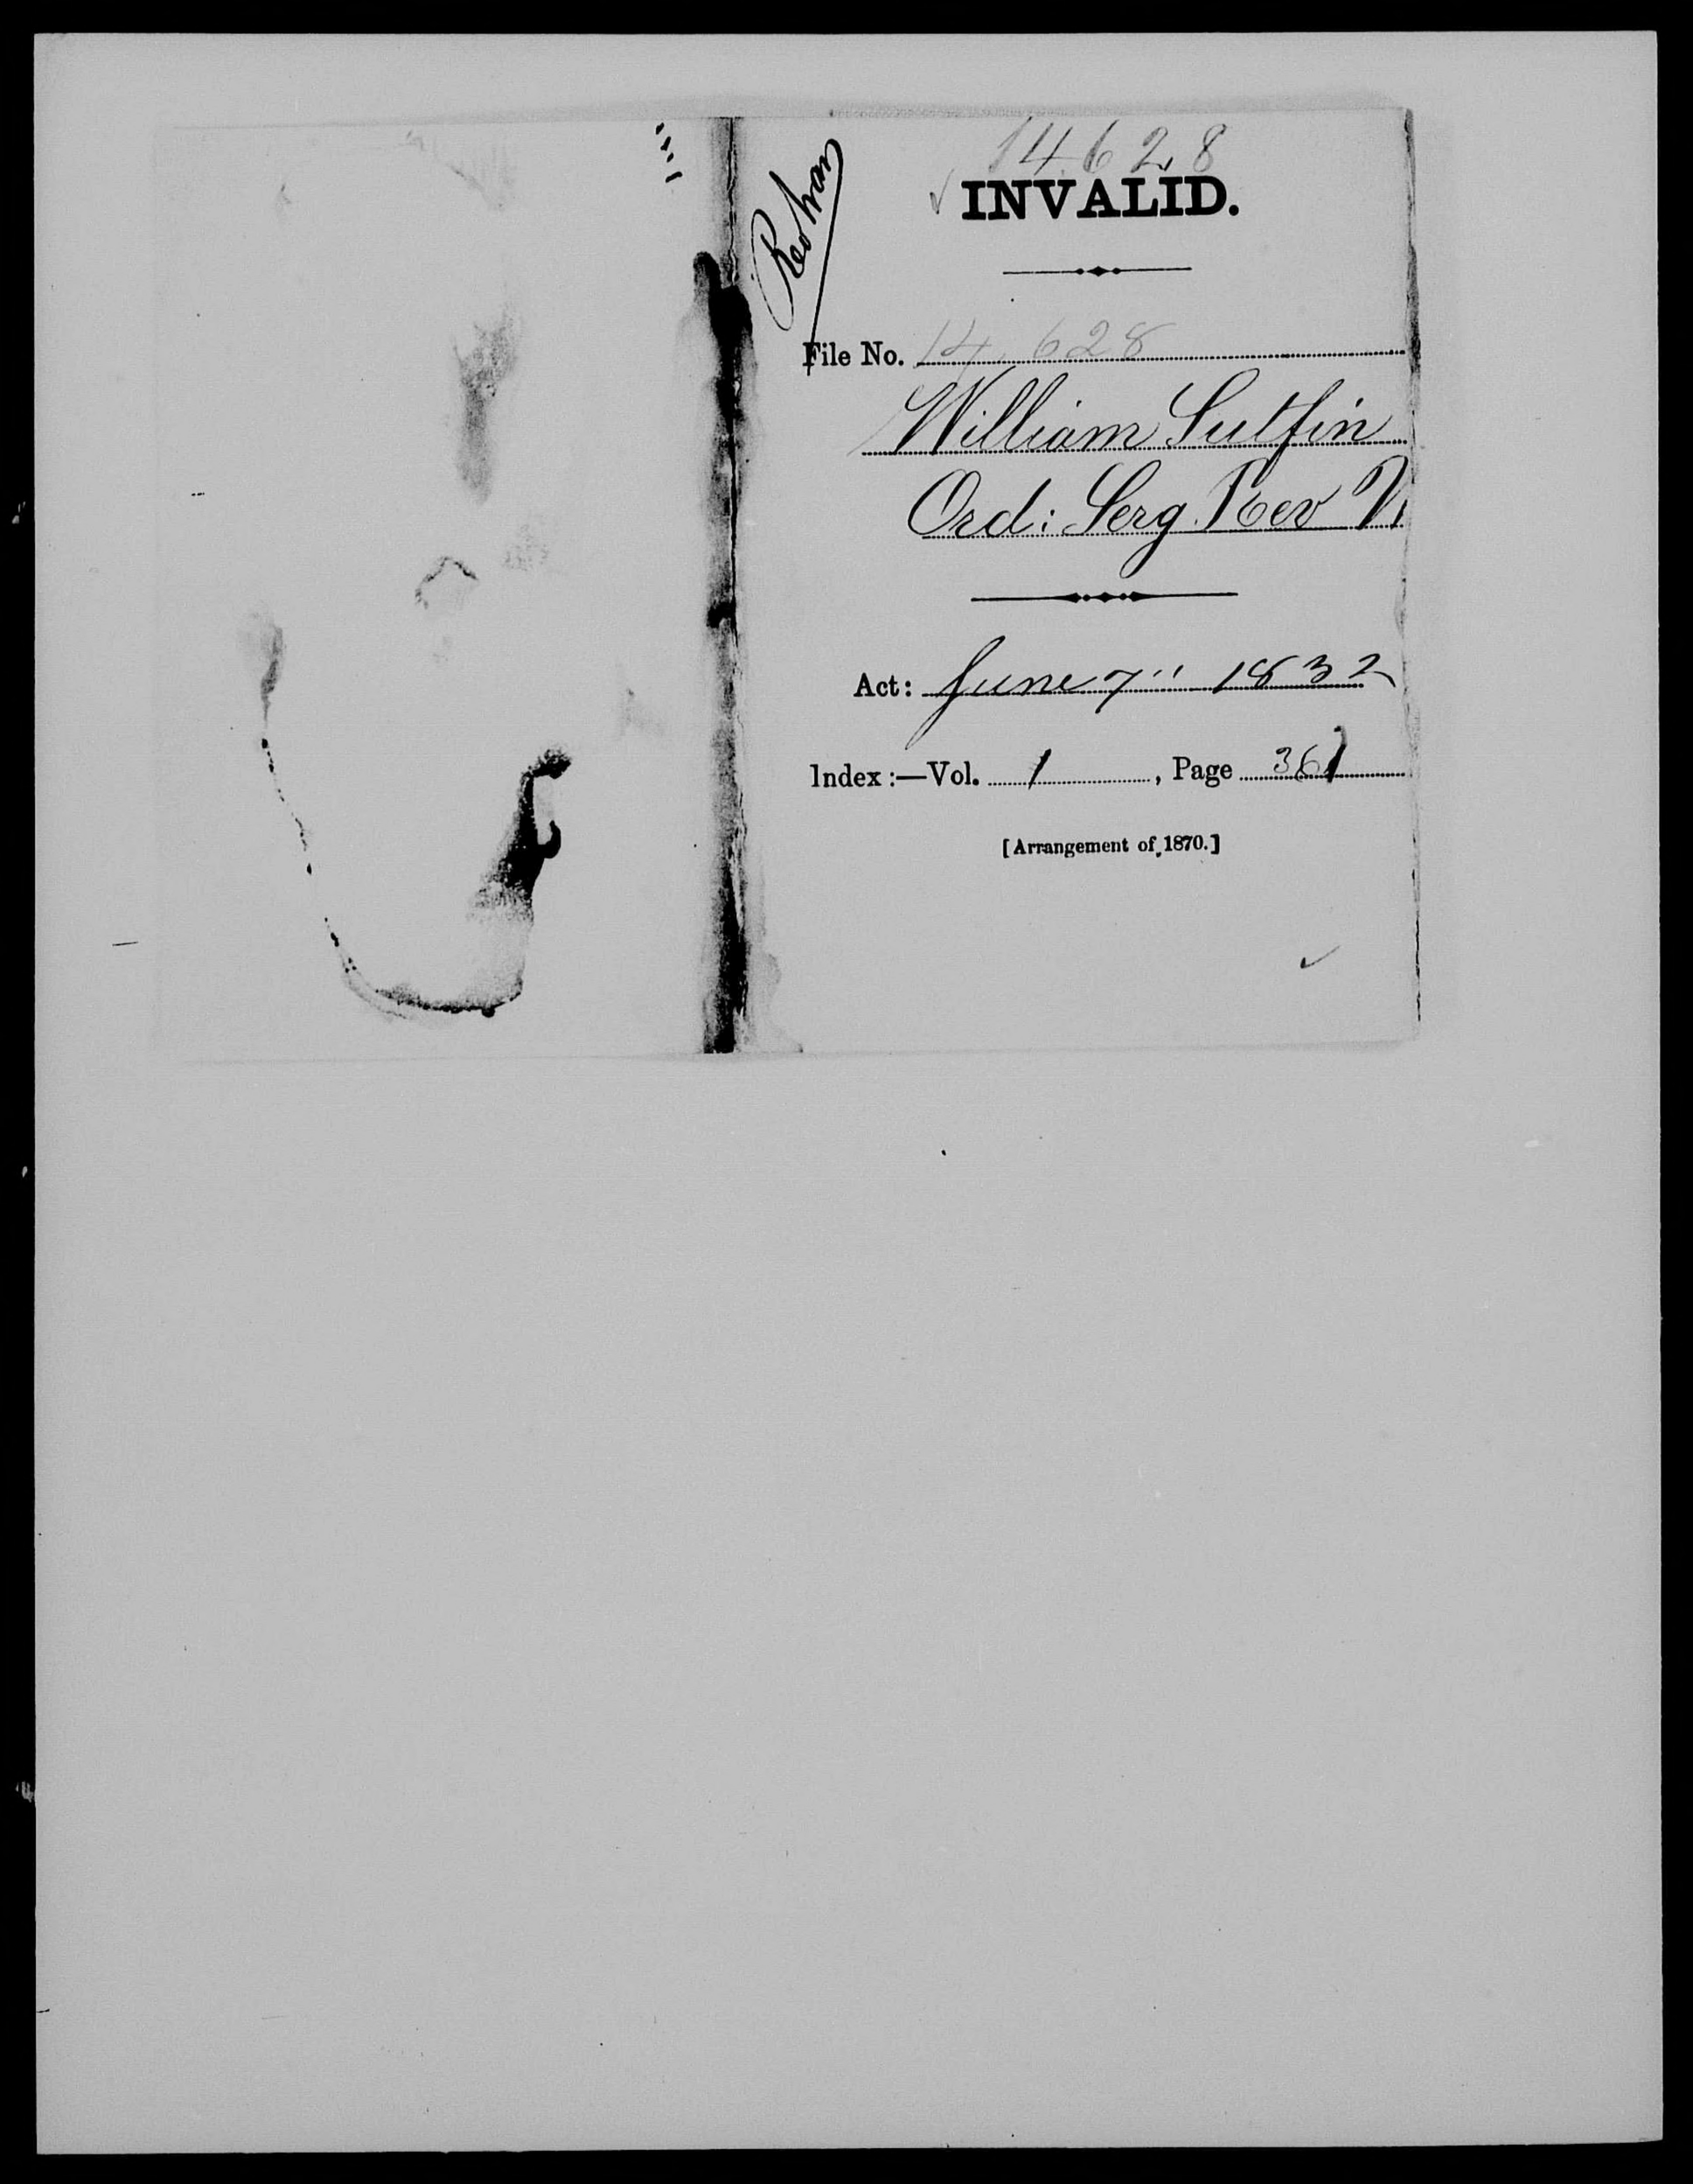14,628
INVALID.
File No. 14,628
William Sutfin
Ord: Serg Rev W
Act: June 7 1832
Index: -- Vol. 1 , Page 361
{Arrangement of 1870.}  [Brackets on original document]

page: 3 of 11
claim: survivor's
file: S. 14628, for William Sutfin, New Jersey